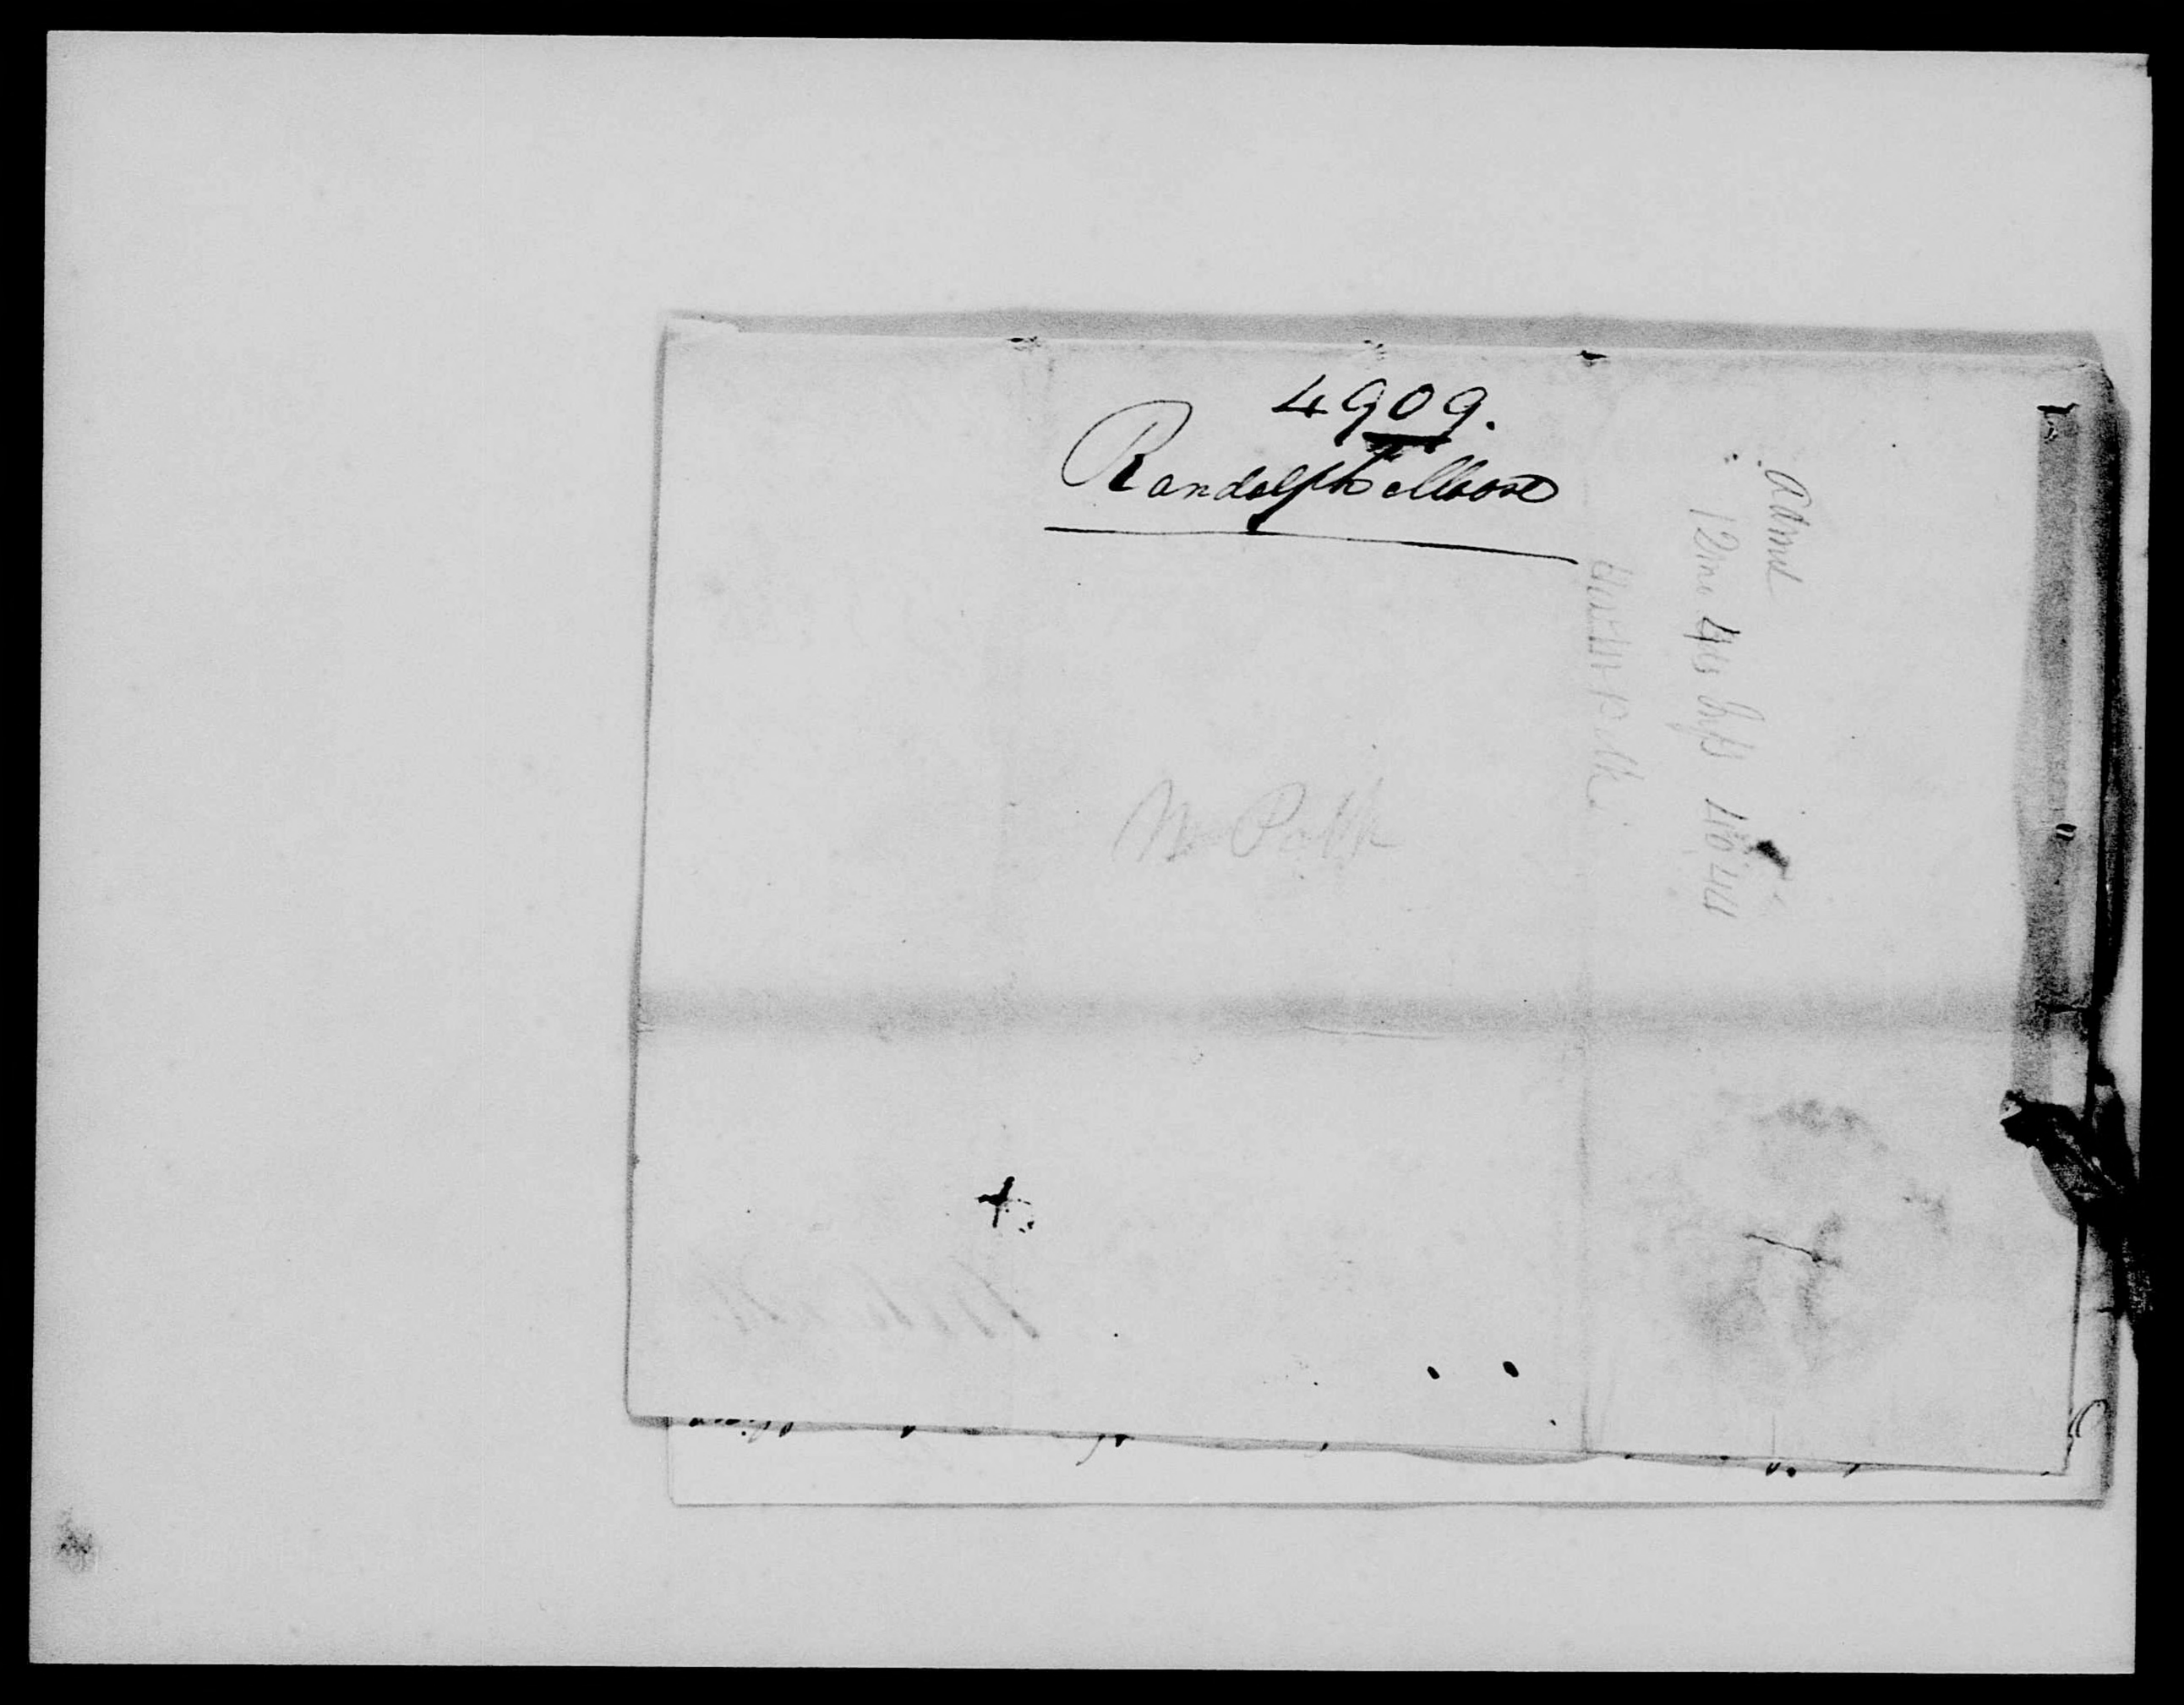4909.
Randolph Moore

Mr. Polk

Admd. 
12 mo 4 ds Infs.40.44
Hon. M. Polk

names: Randolph Moore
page: 4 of 33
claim: widow's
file: W. 52, for Randolph Moore, North Carolina